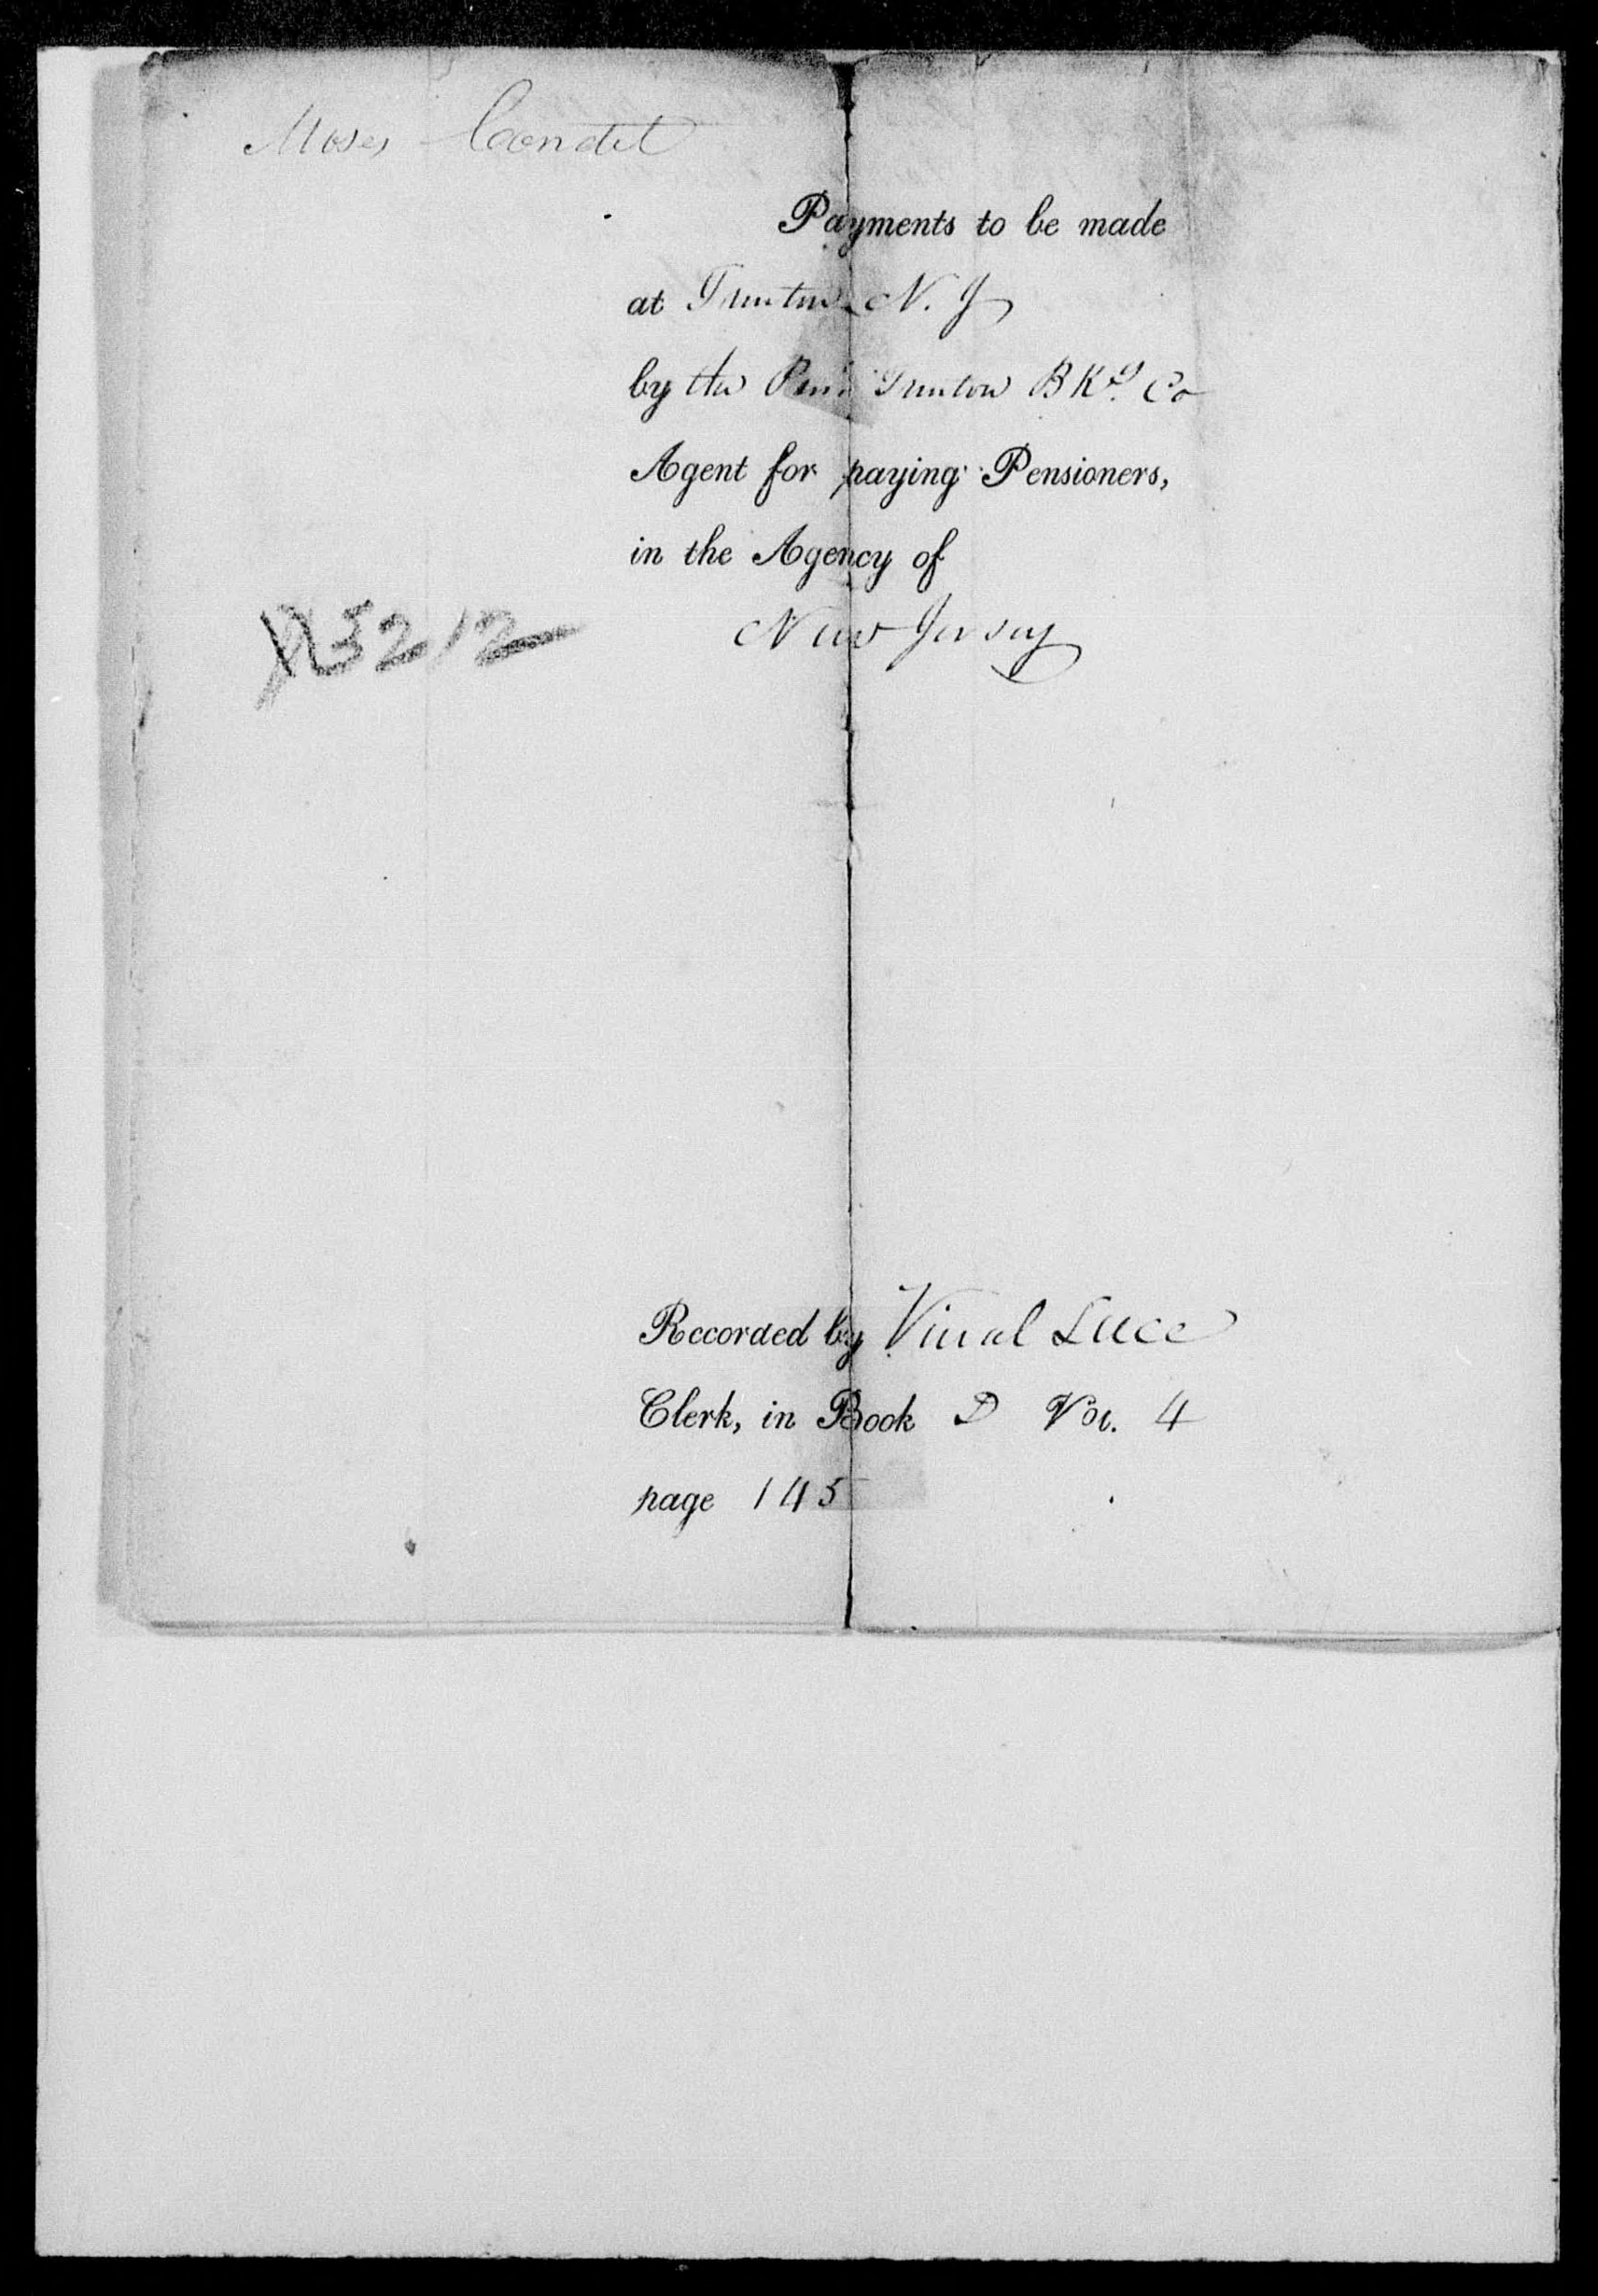Moses Condit
Payments to be made at Trenton N.J. by the Pens Trenton Bkg. Co Agent for paying Pensioners, in the Agency of New Jersey
Recorded by Vinal Luce
Clerk, in Book D Vol. 4
page 145

3212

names: Moses Condit, Vinal Luce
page: 11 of 23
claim: survivor's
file: S. 3212, Moses Condit, New Jersey